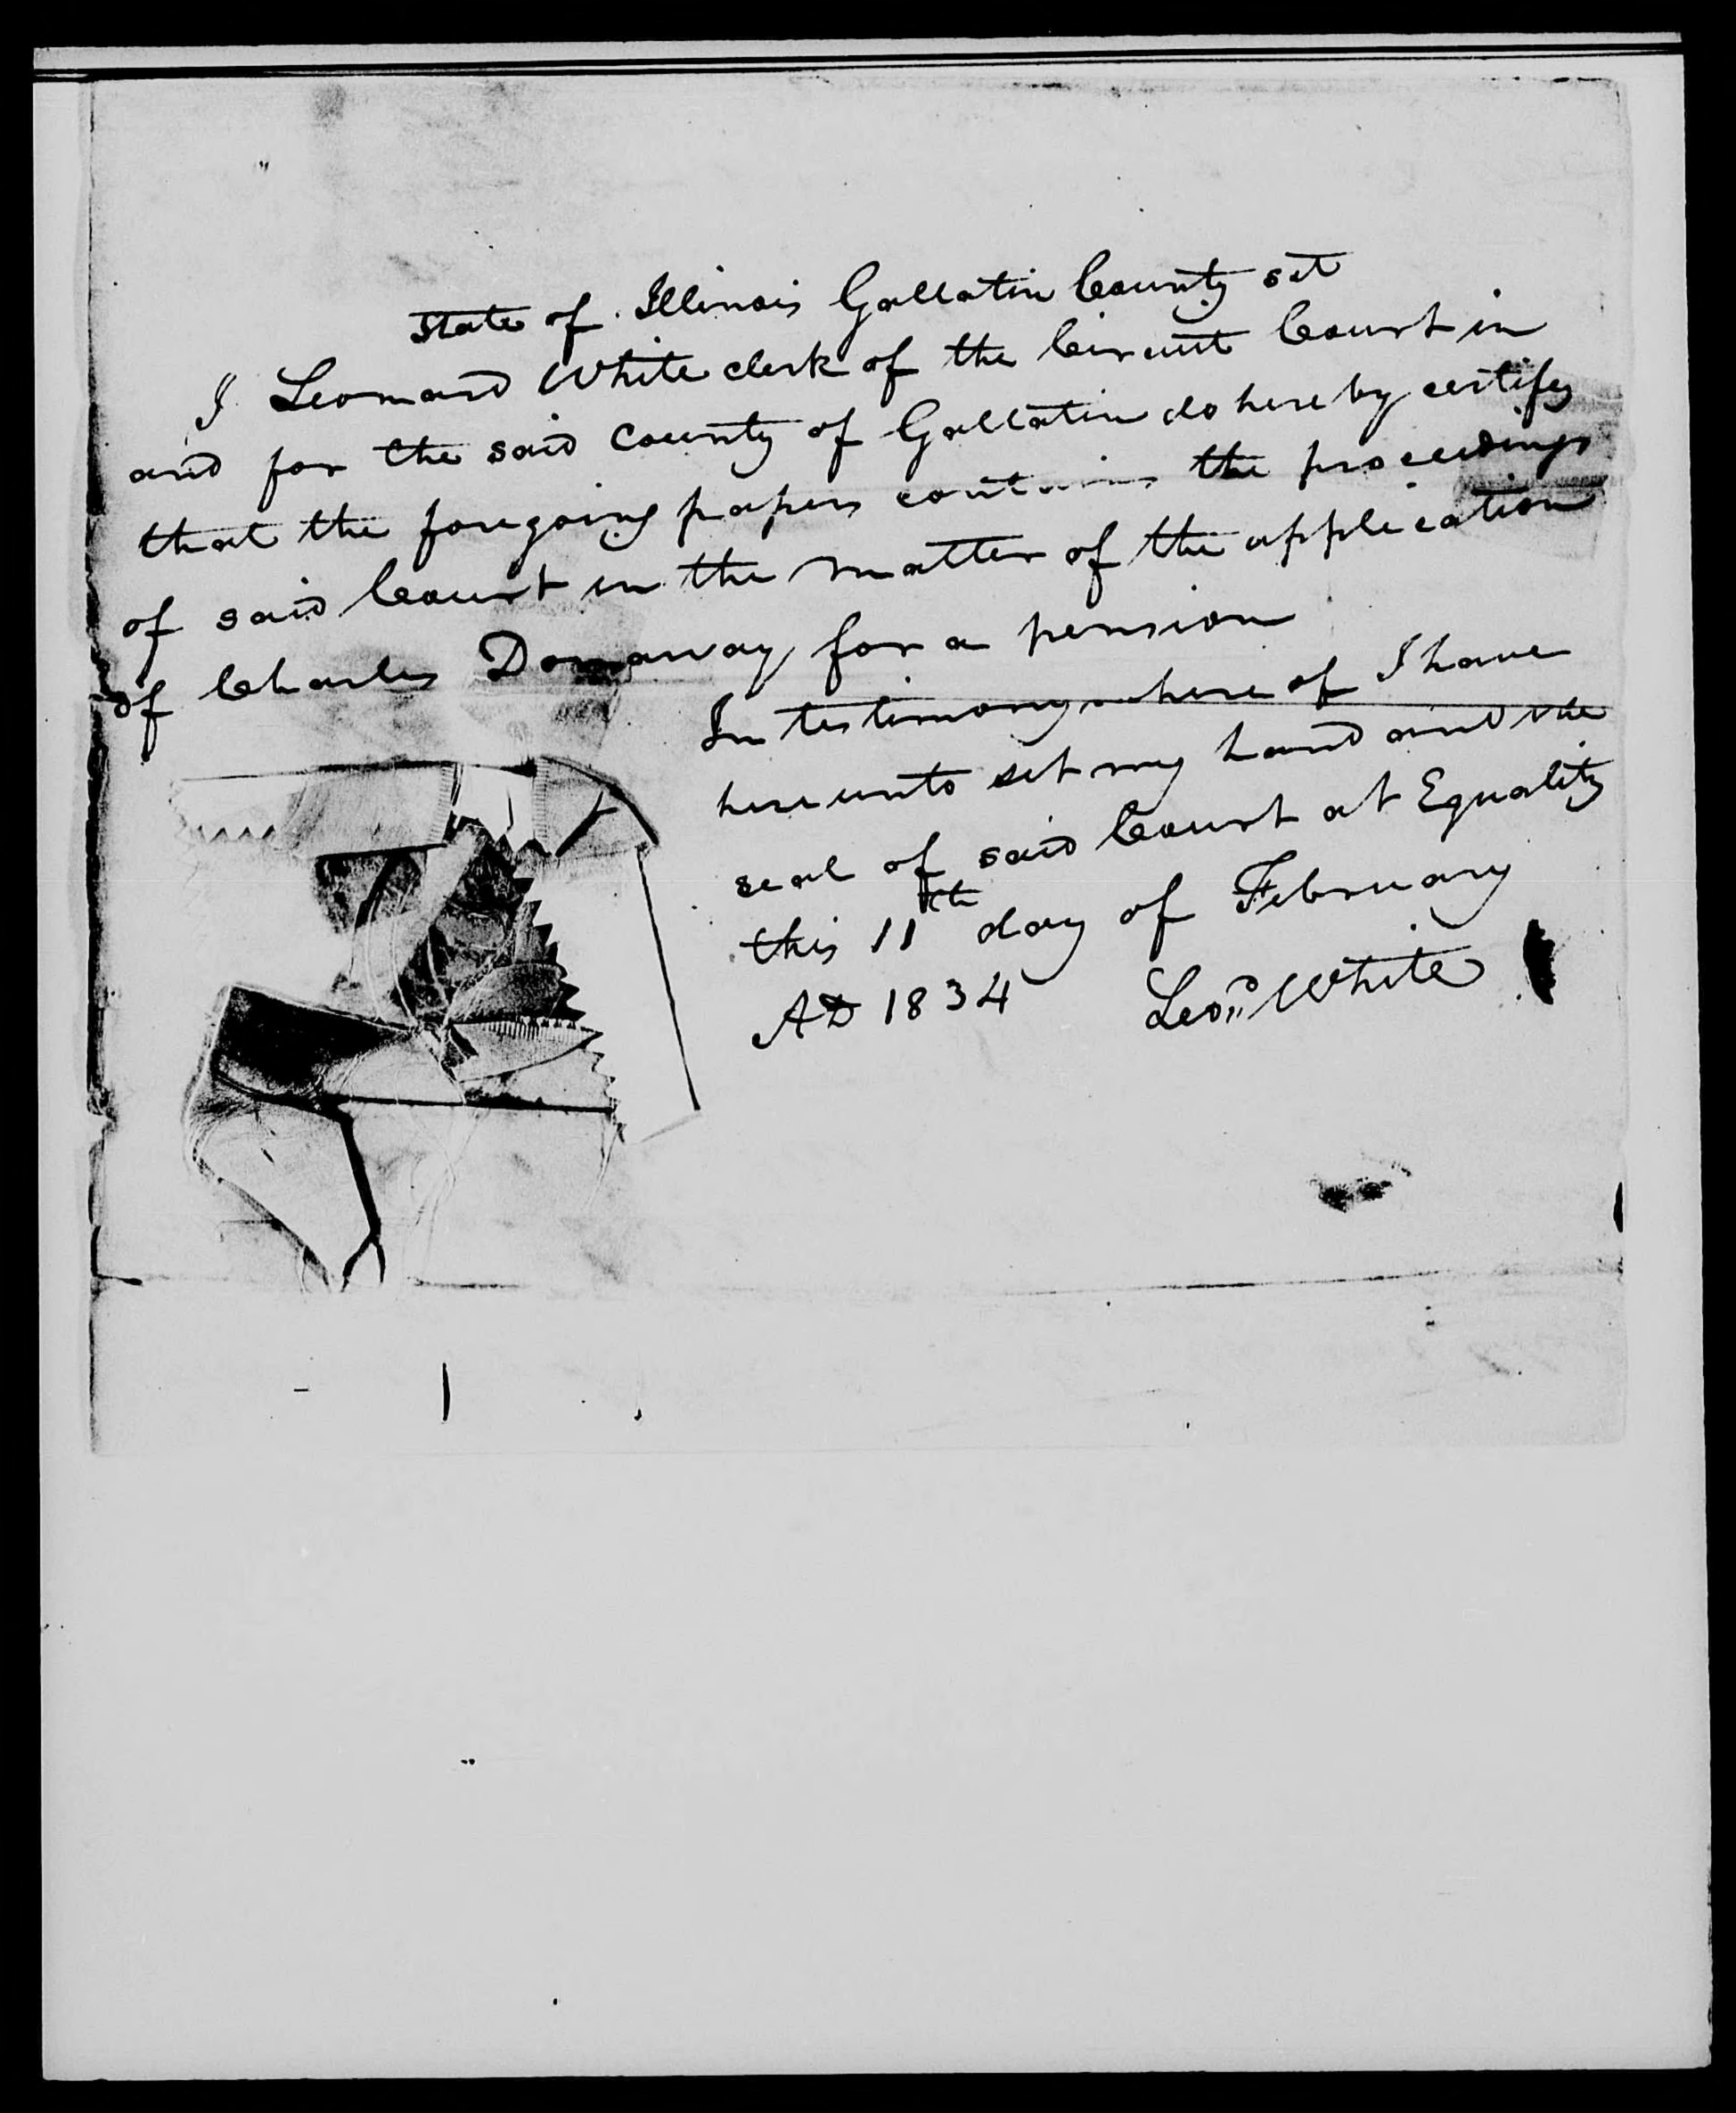State of Illinois Gallatin County sct
I Leonard White clerk of the Circuit Court in and for the said County of Gallatin do hereby certify that the foregoing papers contain the proceedings of said Court in the matter of the application of Charles Donaway for a pension
In testimony whereof I have hereunto set my hand and the seal of said Court at Equality this 11th day of February AD 1834
Leod. White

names: Charles Donaway, Leod White, Leonard White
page: 7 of 29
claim: rejected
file: R. 3010, Charles Donaway, Va.